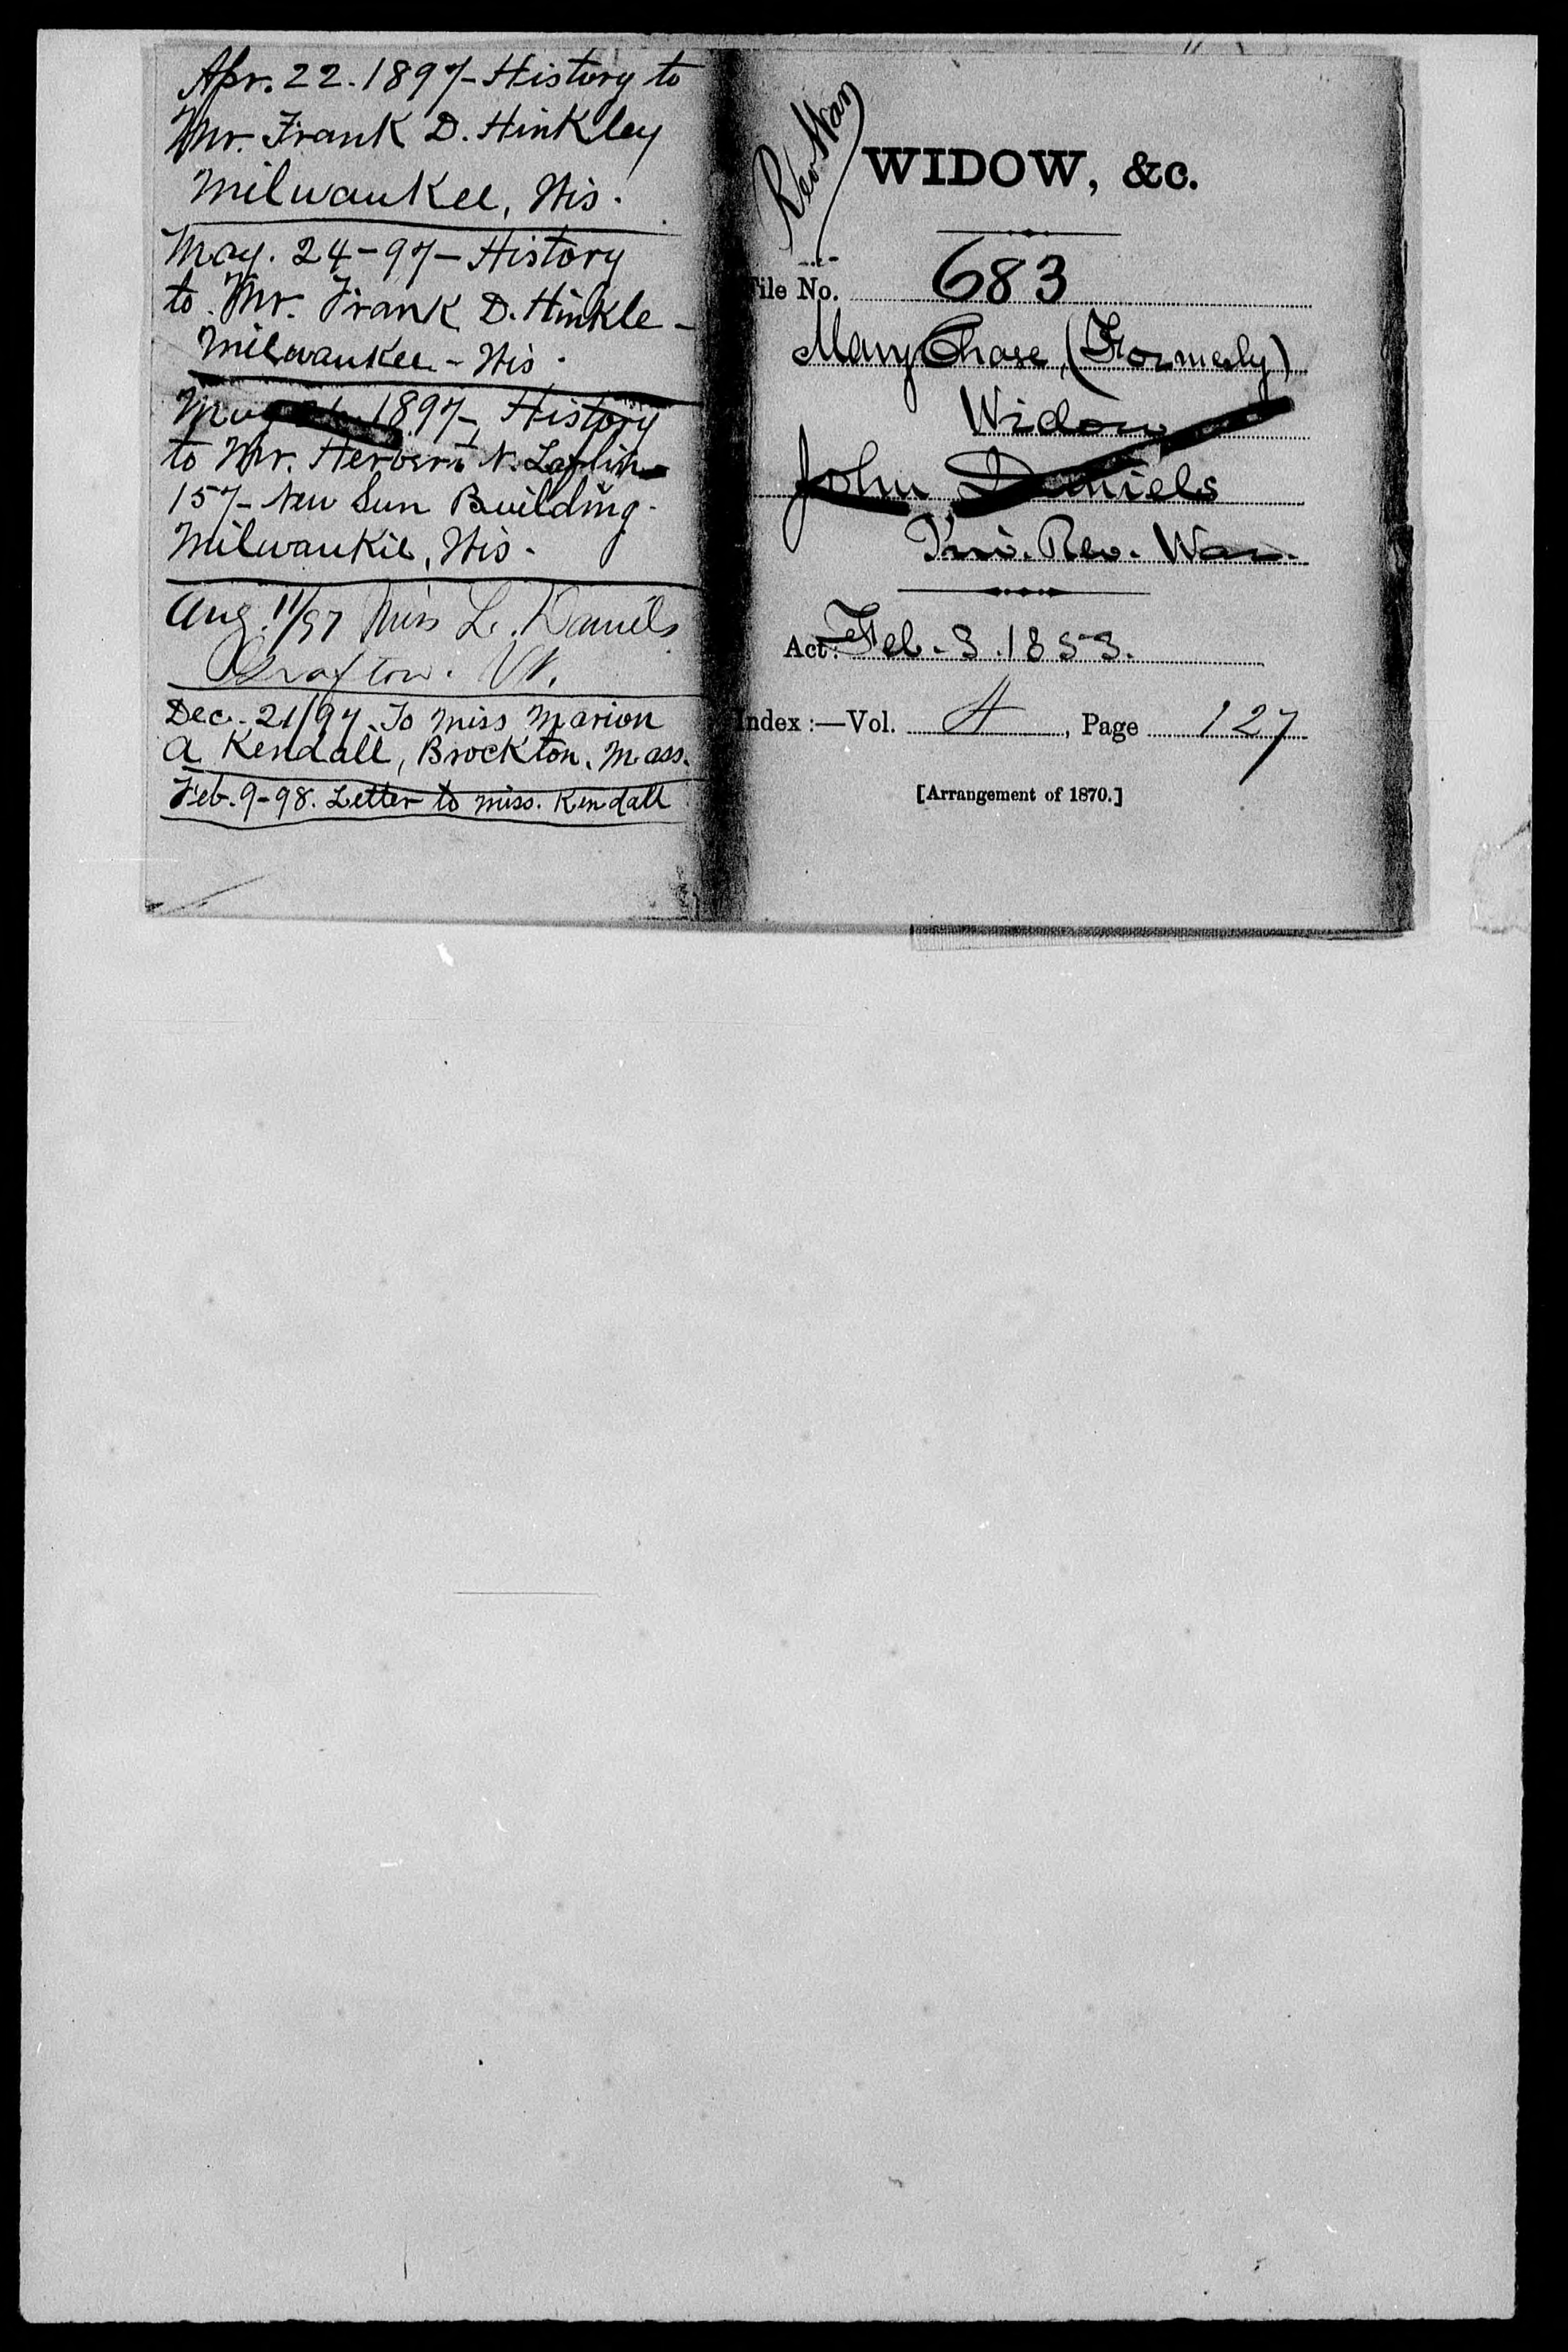(left side)
Apr. 22. 1897 - History to ┃
Mr. Frank D. Hinkley
Milwaukee, Wis

May 24-97 - History
to Mr. Frank D. Hinkle
Milwaukee, Wis

1897 History
to Mr. Herbert N. Laflin
157-New Sun Building
Milwaukee, Wis

Aug 1/97 Mrs L. Daniels
Grafton Vt

Dec. 21/97. To Miss Marion
A Kendall, Brockton, Mass

Feb. 9-98. Letter to Miss, Kendall
(right side)

Rev.War
WIDOW, &c.
File No. 683
Mary Chase, (formerly)
Widow
John Daniels
Priv. Rev. War
Act: Feb. 3. 1853.
Index: -- Vol. A Page 127
(Arrangement of 1870.}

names: Frank D Hinkle, Kendall, Marion A Kendall, Mary Chase, L Daniels, Frank D Hinkley, Herbert N Laflin, John Daniels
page: 17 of 43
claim: widow's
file: W 683, John Daniels, Continental Mass. N.H.